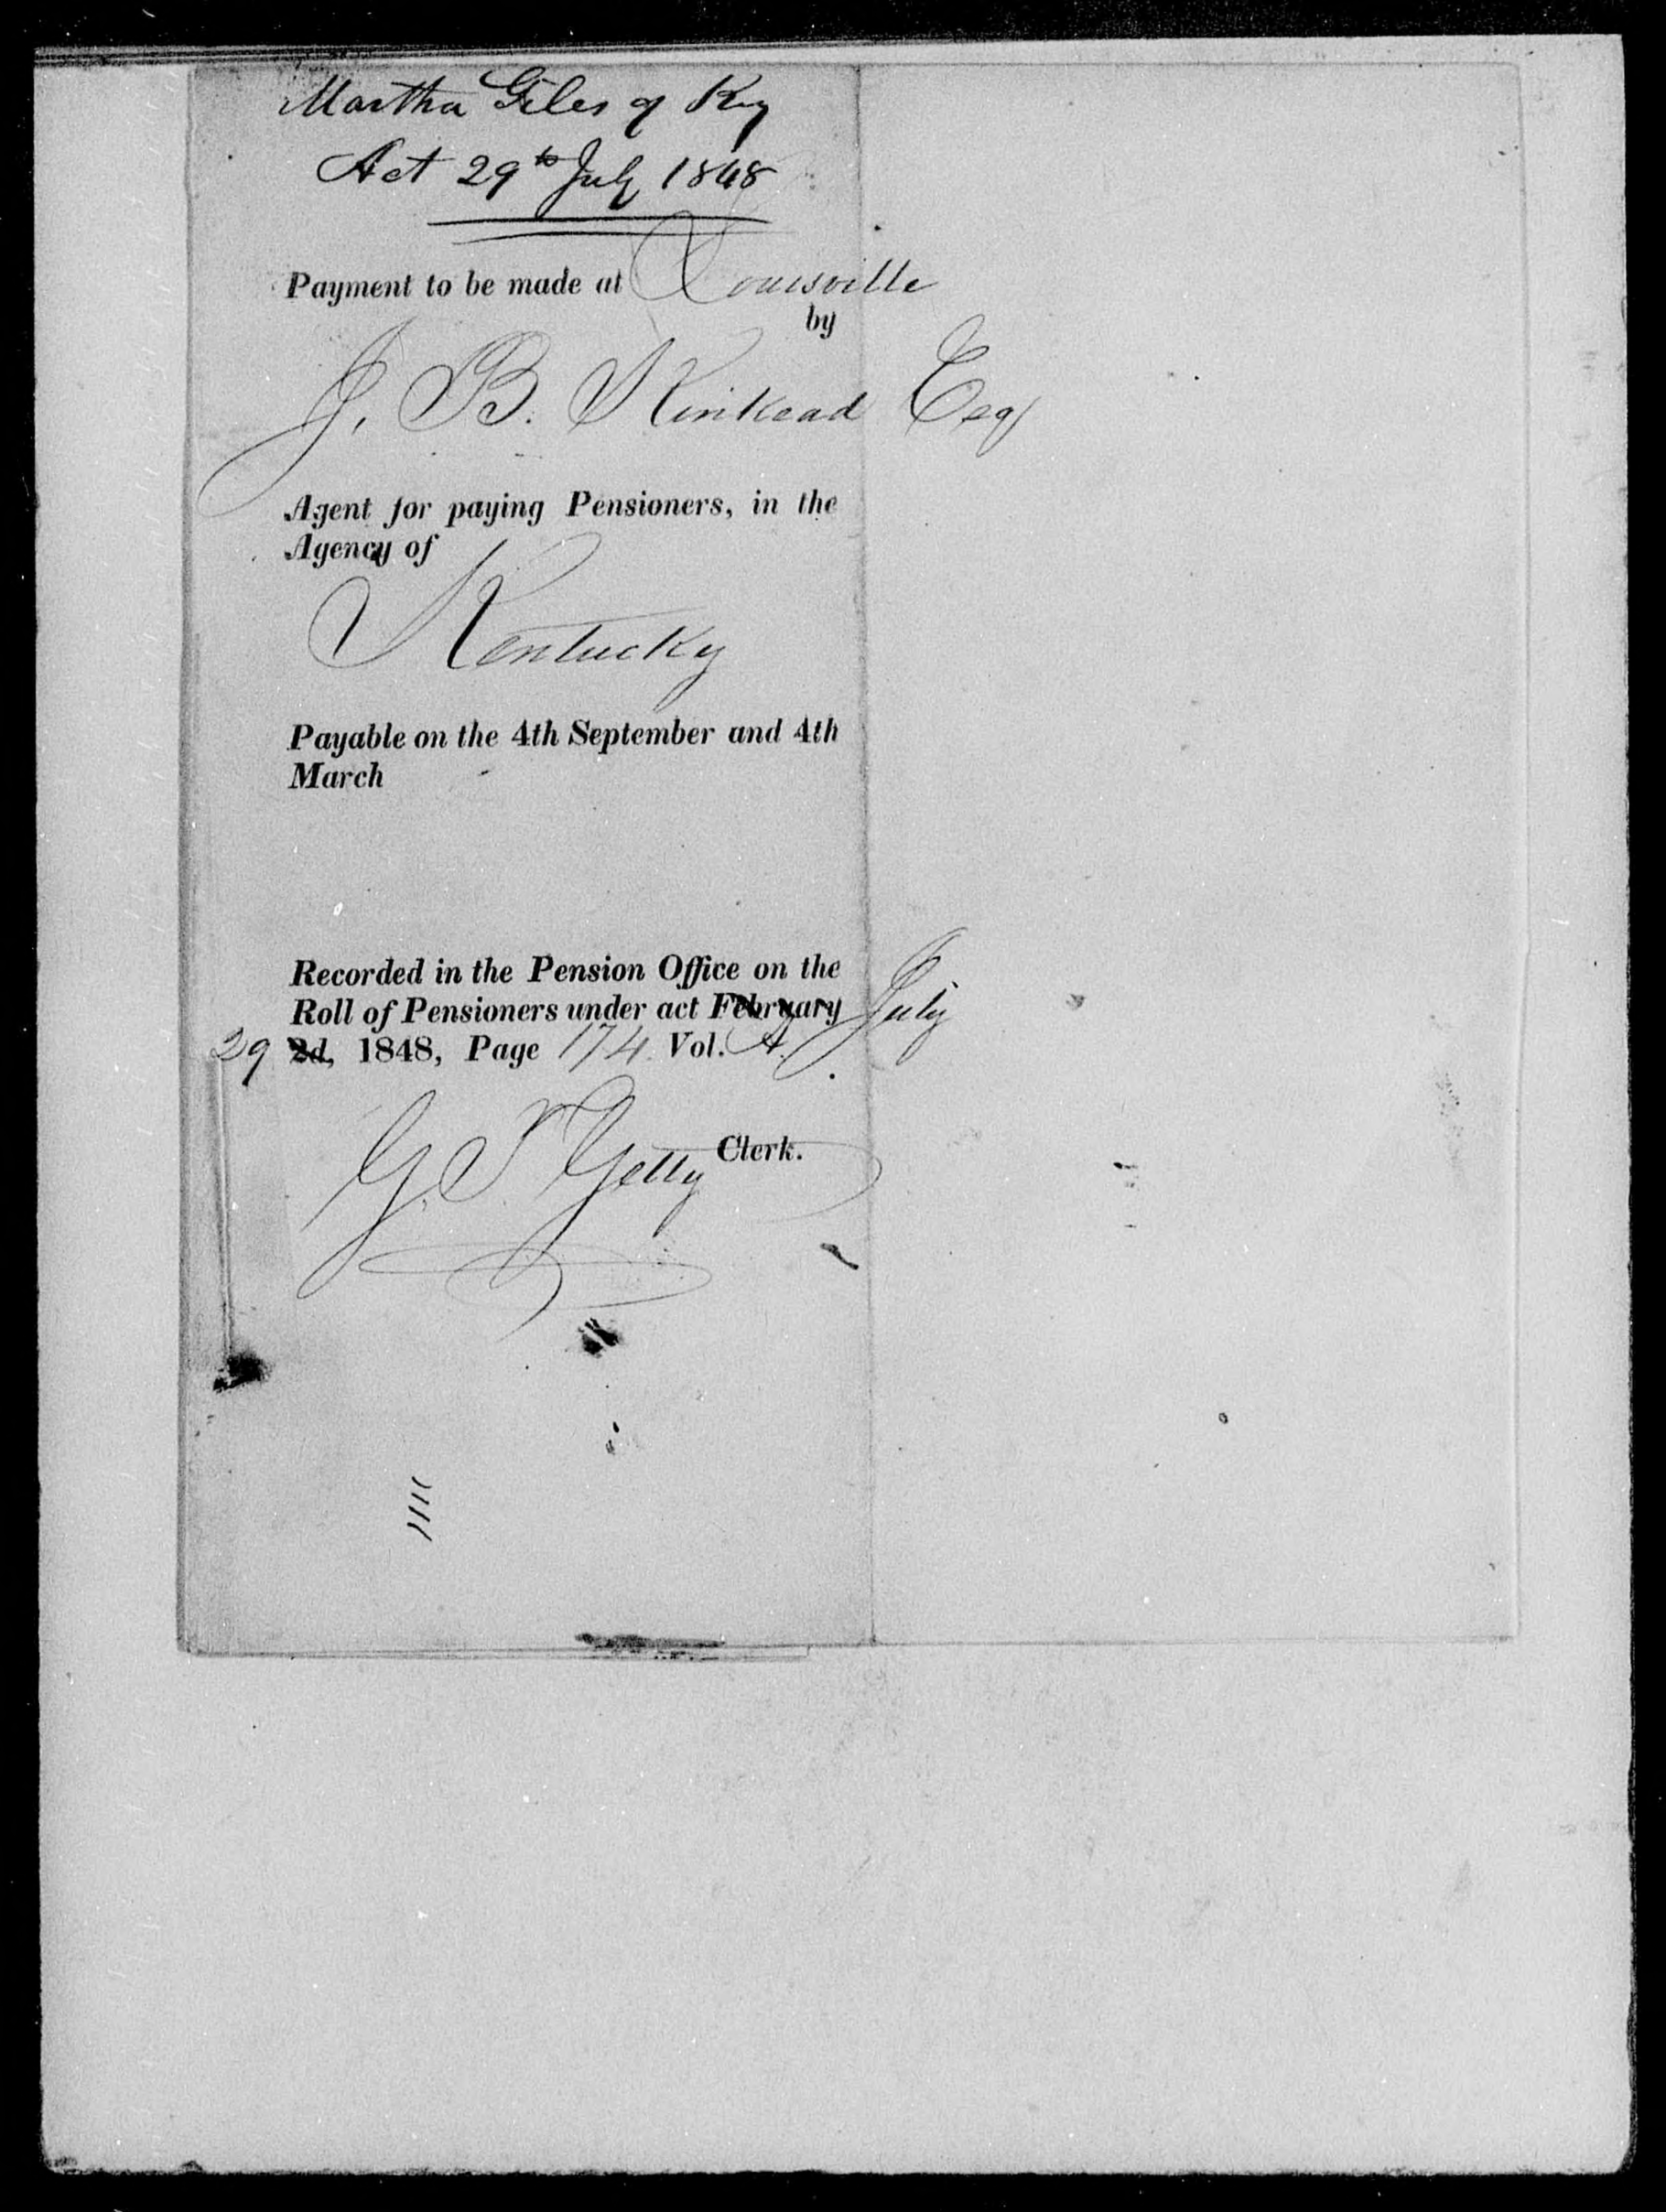Martha Giles of Ky
Act 29th July 1848

Payment to be made at Louisville
by J. B. Kinkead Esq

Agent for paying Pensioners, in the
Agency of Kentucky

Payable on the 4th September and 4th
March

Recorded in the Pension Office on the
Roll of Pensioners under act July
29, 1848, Page 714. Vol. A
G.T. Getty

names: G T Getty, Martha Giles, J B Kinkead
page: 67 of 82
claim: widow's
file: W. 7,522, John Giles, N.C.